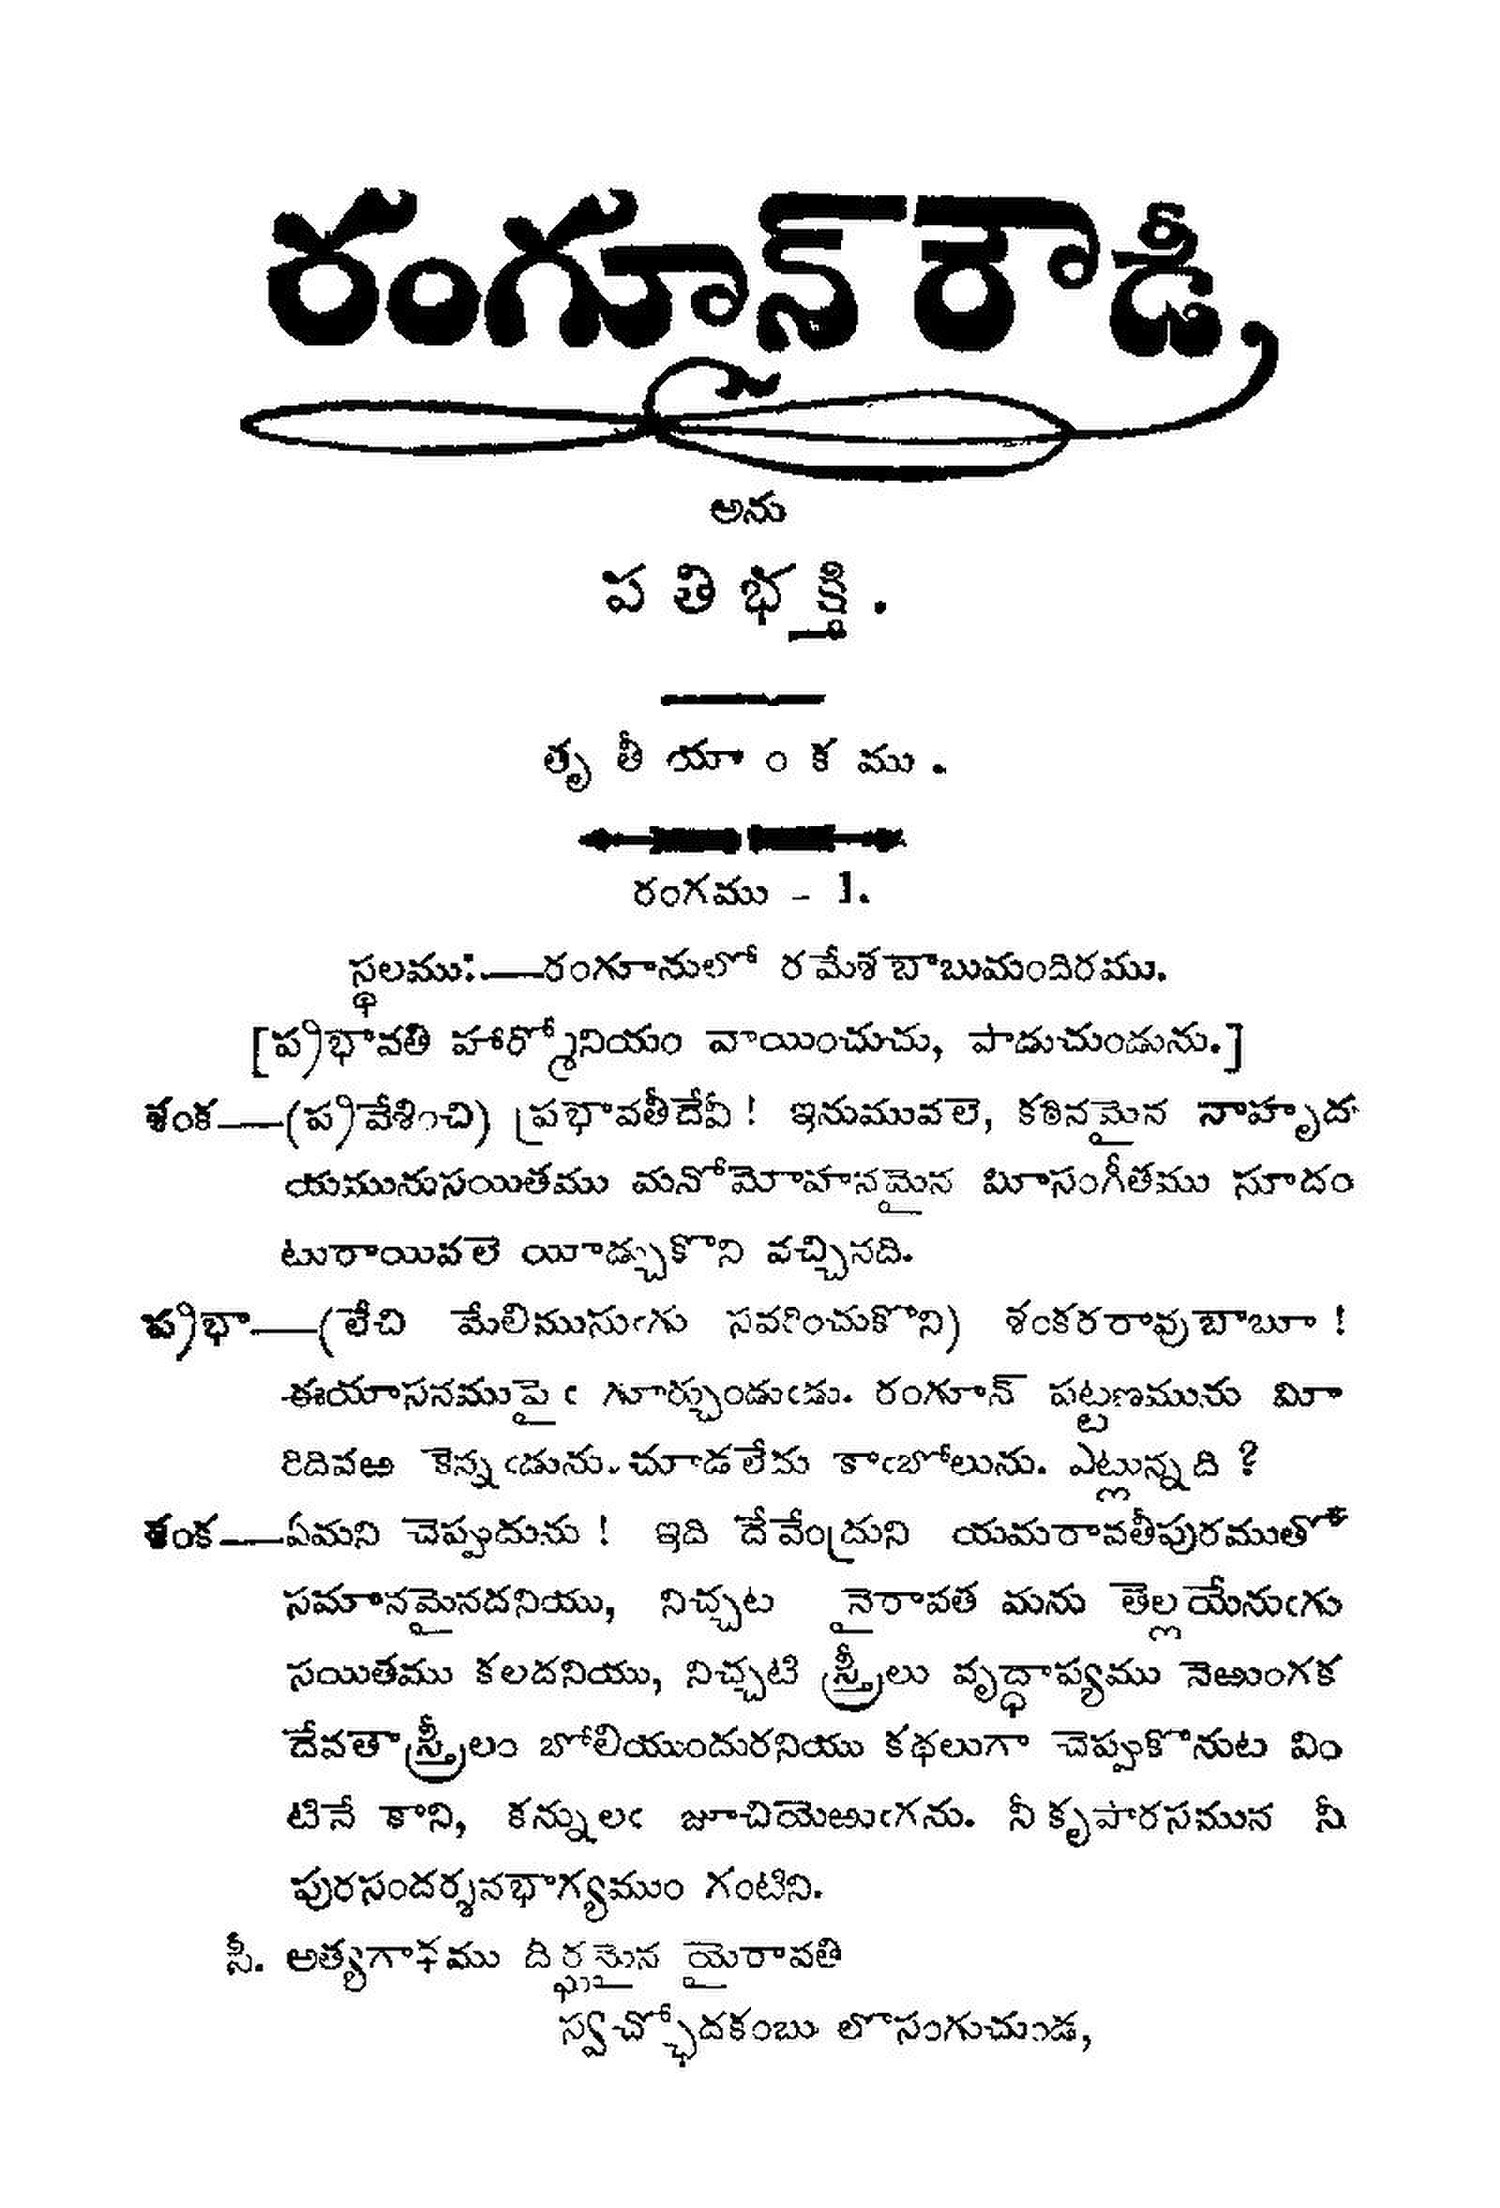రంగూన్ రౌడీ

పతిభక్తి.

శంక -- (ప్రవేశించి) ప్రభావతీదేవీ ! ఇనుమువలె, కఠినమైన నాహృదయమునుసయితము మనోమోహనమైన మీసంగీతము సూదంటురాయివలె యీడ్చుకొని వచ్చినది.

ప్రభా - (లేచి మేలిముసుఁగు సవరించుకొని) శంకరరావుబాబూ ! ఈయాసనముపైఁ గూర్చుండుఁడు. రంగూన్ పట్టణమును మీరిదివఱ కెన్నఁడును. చూడలేదు కాఁబోలును. ఎట్లున్నది ?

శంక - ఏమని చెప్పుదును ! ఇది దేవేంద్రుని యమరావతీపురముతో సమానమైనదనియు, నిచ్చట నైరావత మను తెల్లయేనుఁగు సయితము కలదనియు, నిచ్చటి స్త్రీలు వృద్ధాప్యము నెఱుంగక
దేవతాస్త్రీలం బోలియుందురనియు కథలుగా చెప్పుకొనుట వింటినే కాని, కన్నులఁ జూచియెఱుఁగను. నీ కృపారసమున నీ పురసందర్శనభాగ్యముం గంటిని.

సీ. అత్యగాధము దీర్ఘమైన యైరావతి
 స్వచ్ఛోదకంబు లొసంగుచుండ,